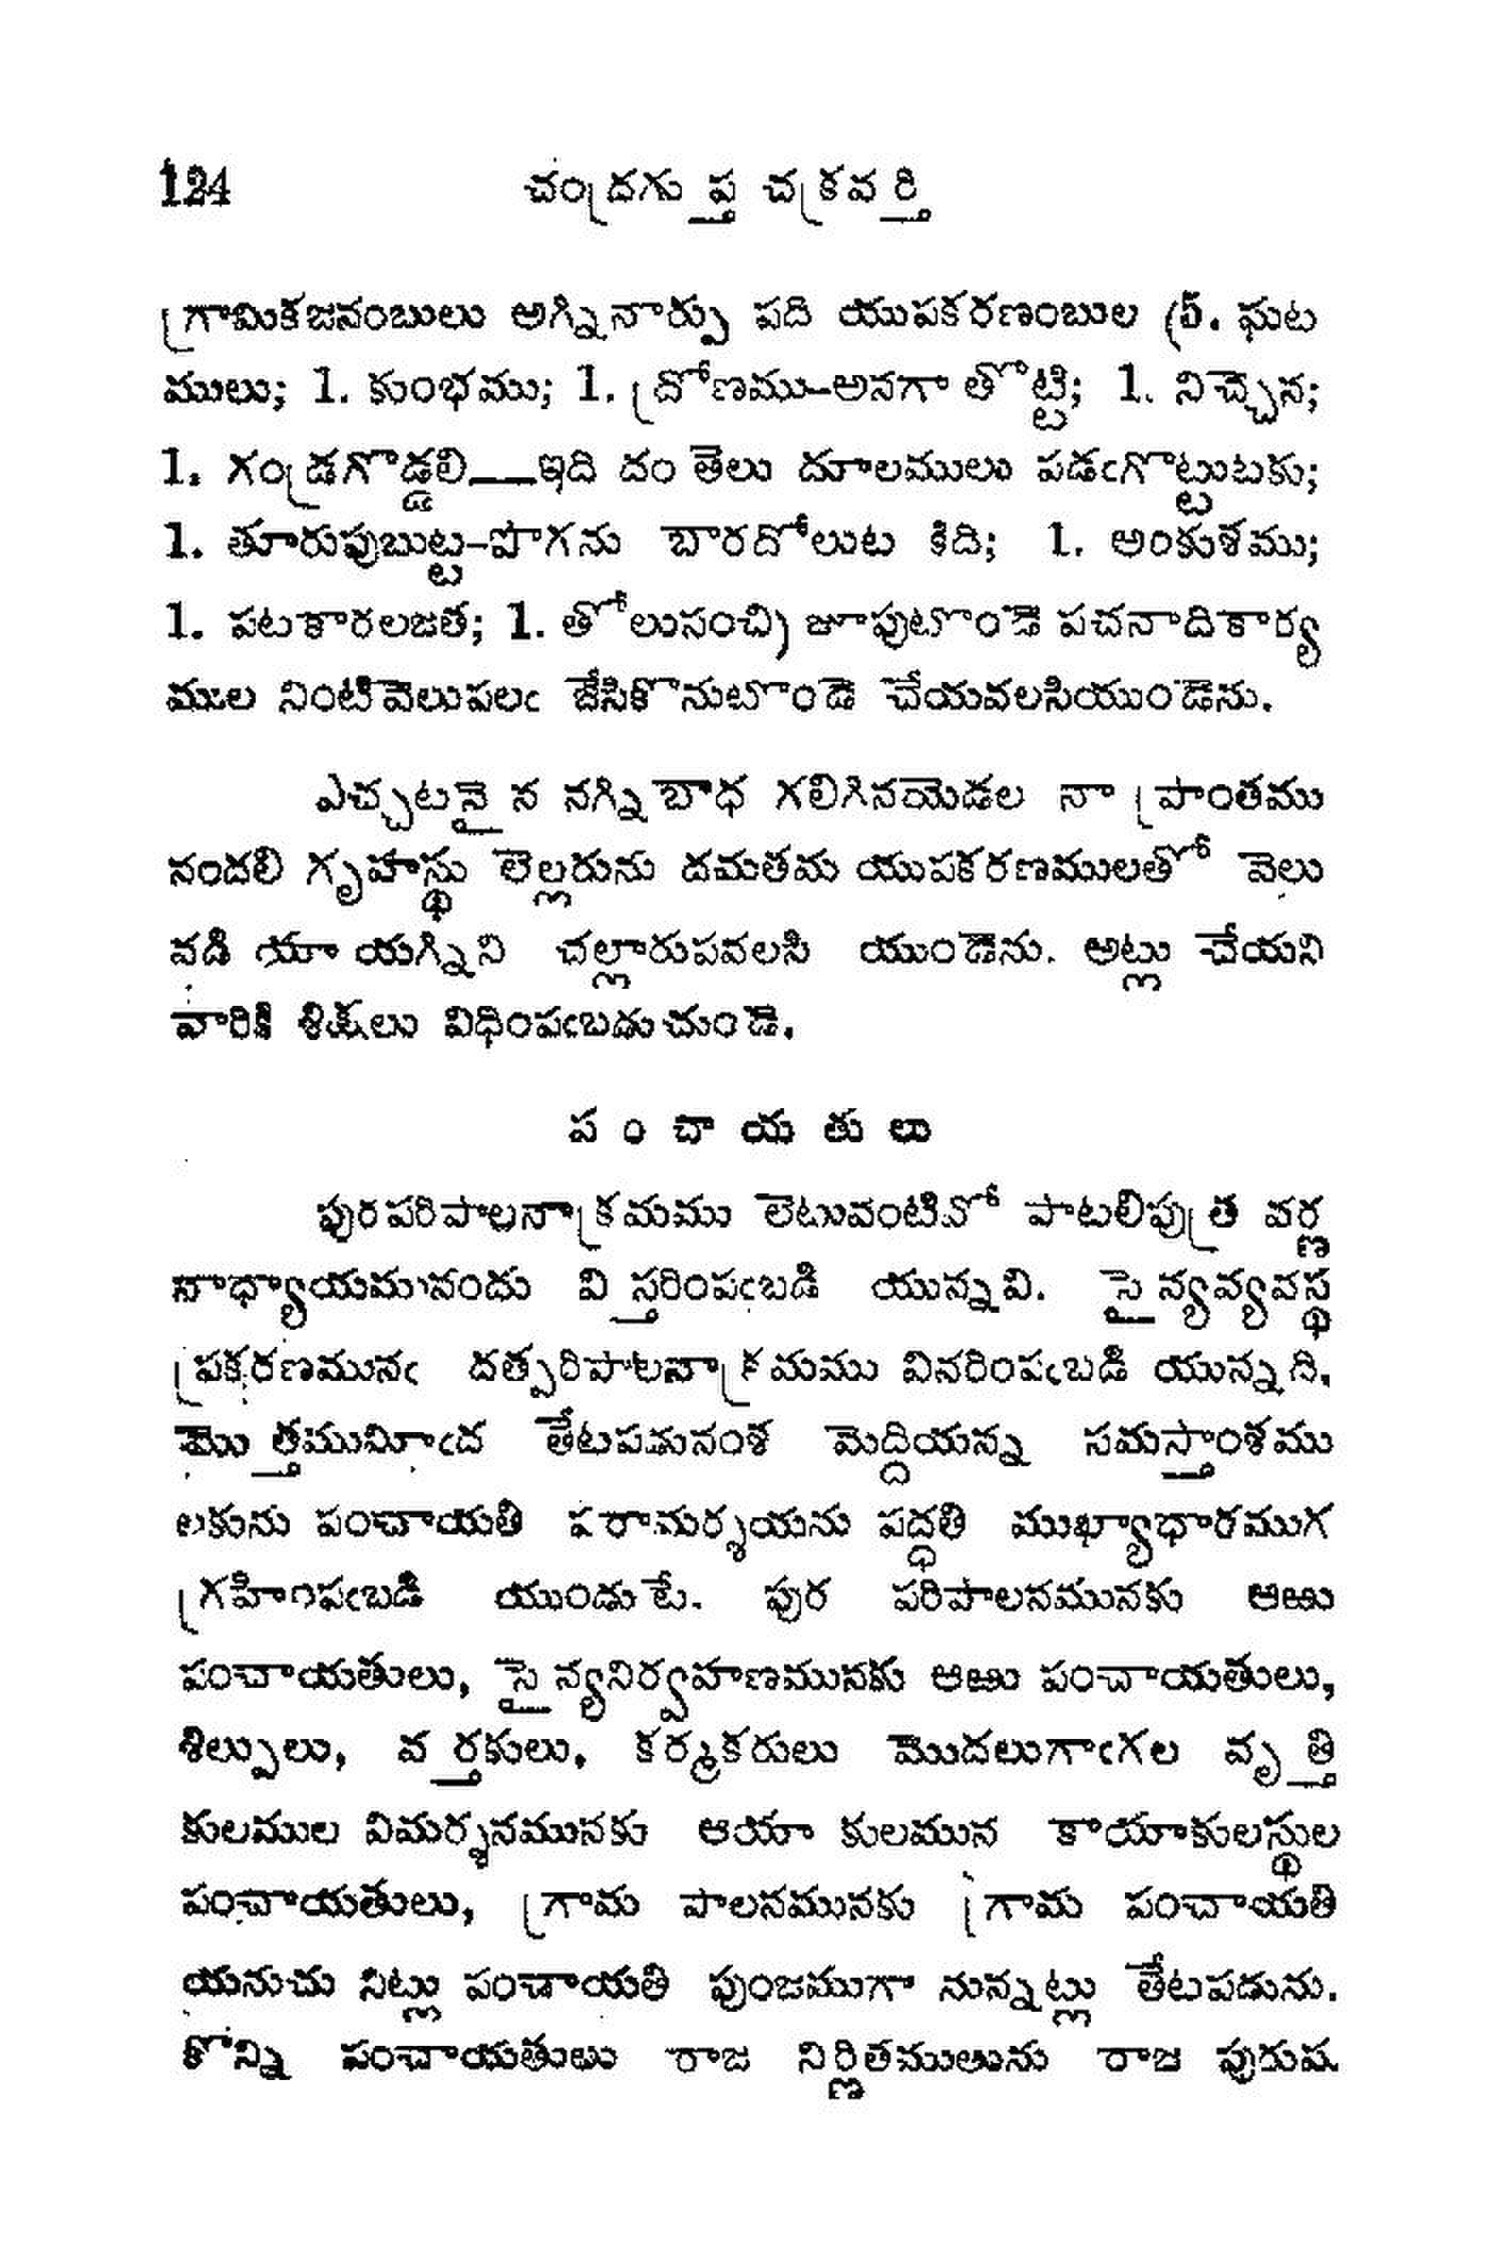గ్రామికజనంబులు అగ్నినార్పు పది యుపకరణంబుల (5. ఘటములు; 1. కుంభము; 1, ద్రోణము అనగా తొట్టి; 1. నిచ్చెన; 1, గండ్రగొడ్డలి - ఇది దంతెలు దూలములు పడఁగొట్టుటకు; 1. తూరుపుబుట్ట-పొగను బారదోలుట కిది; 1. అంకుశము; 1. పటకారలజత; 1. తోలుసంచి) జూఫుటొండె పచనాదికార్యముల నింటివెలుపలఁ జేసికొనుటొండె చేయవలసియుండెను,

ఎచ్చటనైన నగ్నిబాధ గలిగినయెడల నా ప్రాంతము నందలి గృహస్థు లెల్లరును దమతమ యుపకరణములతో వెలువడి యా యగ్నిని చల్లారుపవలసి యుండెను. అట్లు చేయని వారికి శిక్షలు విధింపఁబడుచుండె.

పంచాయతులు 

పురపరిపాలనాక్రమము లెటువంటివో పాటలిపుత్ర వర్ణనాధ్యాయమునందు విస్తరింపఁబడి యున్నవి. సైన్యవ్యవస్థ ప్రకరణమునఁ దత్పరిపాలనాక్రమము వివరింపఁబడి యున్నది. మొత్తముమీద తేటపడునంశ మెద్దియన్న సమస్తాంశములకును పంచాయతి పరామర్శయను పద్ధతి ముఖ్యాధారముగ గ్రహింపబడి యుండుటే. పుర పరిపాలనమునకు ఆఱు పంచాయతులు, సైన్యనిర్వహణమునకు ఆఱు పంచాయతులు, శిల్పులు, వర్తకులు, కర్మకరులు మొదలుగాఁగల వృత్తి కులముల విమర్శనమునకు ఆయా కులమున కాయాకులస్థుల పంచాయతులు, గ్రామ పాలనమునకు గ్రామ పంచాయతి యనుచు నిట్లు పంచాయతి పుంజముగా నున్నట్లు తేటపడును. కొన్ని పంచాయతులు రాజ నిర్ణితములును రాజ పురుష